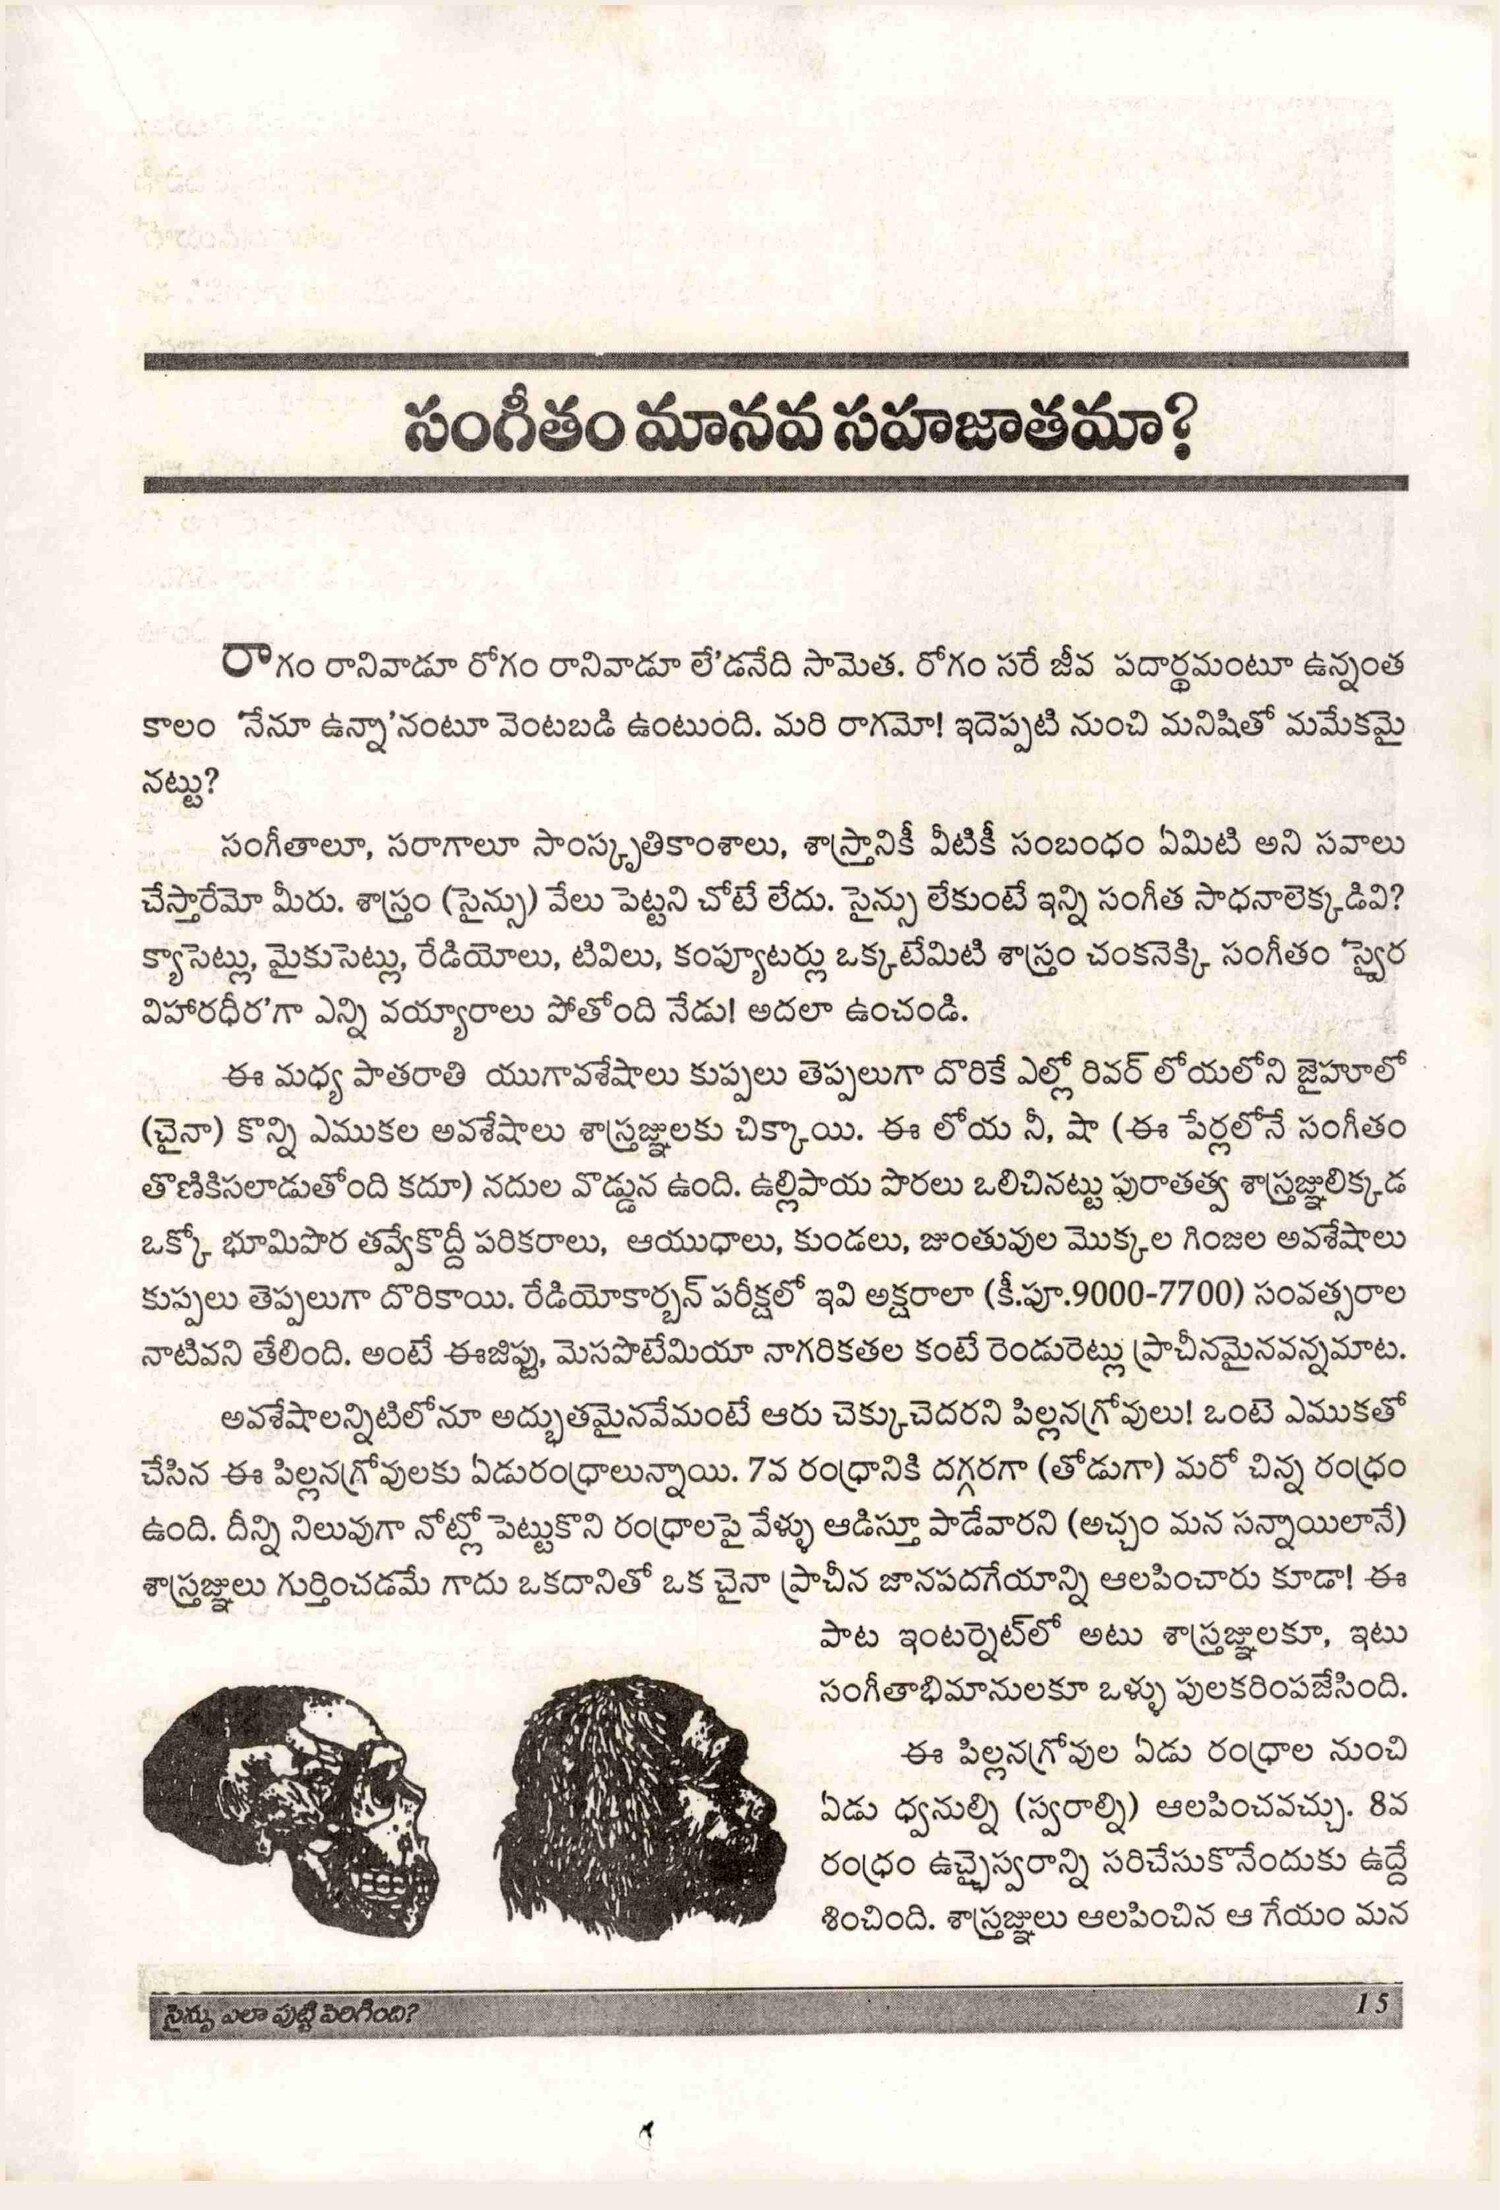సంగీతం మానవ సహజాతమా?

రాగం రానివాడూ రోగం రానివాడూ లే'డనేది సామెత. రోగం సరే జీవ పదార్థమంటూ ఉన్నంత కాలం 'నేనూ ఉన్నా'నంటూ వెంటబడి ఉంటుంది. మరి రాగమో! ఇదెప్పటి నుంచి మనిషితో మమేకమై నట్టు?

సంగీతాలూ, సరాగాలూ సాంస్కృతికాంశాలు, శాస్త్రానికీ వీటికీ సంబంధం ఏమిటి అని సవాలు చేస్తారేమో మీరు. శాస్త్రం (సైన్సు) వేలు పెట్టని చోటే లేదు. సైన్సు లేకుంటే ఇన్ని సంగీత సాధనాలెక్కడివి? క్యాసెట్లు, మైకుసెట్లు, రేడియోలు, టివిలు, కంప్యూటర్లు ఒక్కటేమిటి శాస్త్రం చంకనెక్కి సంగీతం 'స్వైర విహారధీర'గా ఎన్ని వయ్యారాలు పోతోంది నేడు! అదలా ఉంచండి.

ఈ మధ్య పాతరాతి యుగావశేషాలు కుప్పలు తెప్పలుగా దొరికే ఎల్లో రివర్ లోయలోని జైహూలో (చైనా) కొన్ని ఎముకల అవశేషాలు శాస్త్రజ్ఞులకు చిక్కాయి. ఈ లోయ నీ, షా (ఈ పేర్లలోనే సంగీతం తొణికిసలాడుతోంది కదూ) నదుల వొడ్డున ఉంది. ఉల్లిపాయ పొరలు ఒలిచినట్టు పురాతత్వ శాస్త్రజ్ఞులిక్కడ ఒక్కో భూమిపొర తవ్వేకొద్దీ పరికరాలు, ఆయుధాలు, కుండలు, జుంతువుల మొక్కల గింజల అవశేషాలు కుప్పలు తెప్పలుగా దొరికాయి. రేడియోకార్బన్ పరీక్షలో ఇవి అక్షరాలా (కీ.పూ.9000-7700) సంవత్సరాల నాటివని తేలింది. అంటే ఈజిప్టు, మెసపొటేమియా నాగరికతల కంటే రెండురెట్లు ప్రాచీనమైనవన్నమాట.

అవశేషాలన్నిటిలోనూ అద్భుతమైనవేమంటే ఆరు చెక్కుచెదరని పిల్లనగ్రోవులు! ఒంటె ఎముకతో చేసిన ఈ పిల్లనగ్రోవులకు ఏడురంధ్రాలున్నాయి. 7వ రంధ్రానికి దగ్గరగా (తోడుగా) మరో చిన్న రంధ్రం ఉంది. దీన్ని నిలువుగా నోట్లో పెట్టుకొని రంధ్రాలపై వేళ్ళు ఆడిస్తూ పాడేవారని (అచ్చం మన సన్నాయిలానే) శాస్త్రజ్ఞులు గుర్తించడమే గాదు ఒకదానితో ఒక చైనా ప్రాచీన జానపదగేయాన్ని ఆలపించారు కూడా! ఈ పాట ఇంటర్నెట్‌లో అటు శాస్త్రజ్ఞులకూ, ఇటు
సంగీతాభిమానులకూ ఒళ్ళు పులకరింపజేసింది.

ఈ పిల్లనగ్రోవుల ఏడు రంధ్రాల నుంచి ఏడు ధ్వనుల్ని (స్వరాల్ని) ఆలపించవచ్చు. 8వ రంధ్రం ఉచ్ఛైస్వరాన్ని సరిచేసుకొనేందుకు ఉద్దేశించింది. శాస్త్రజ్ఞులు ఆలపించిన ఆ గేయం మన